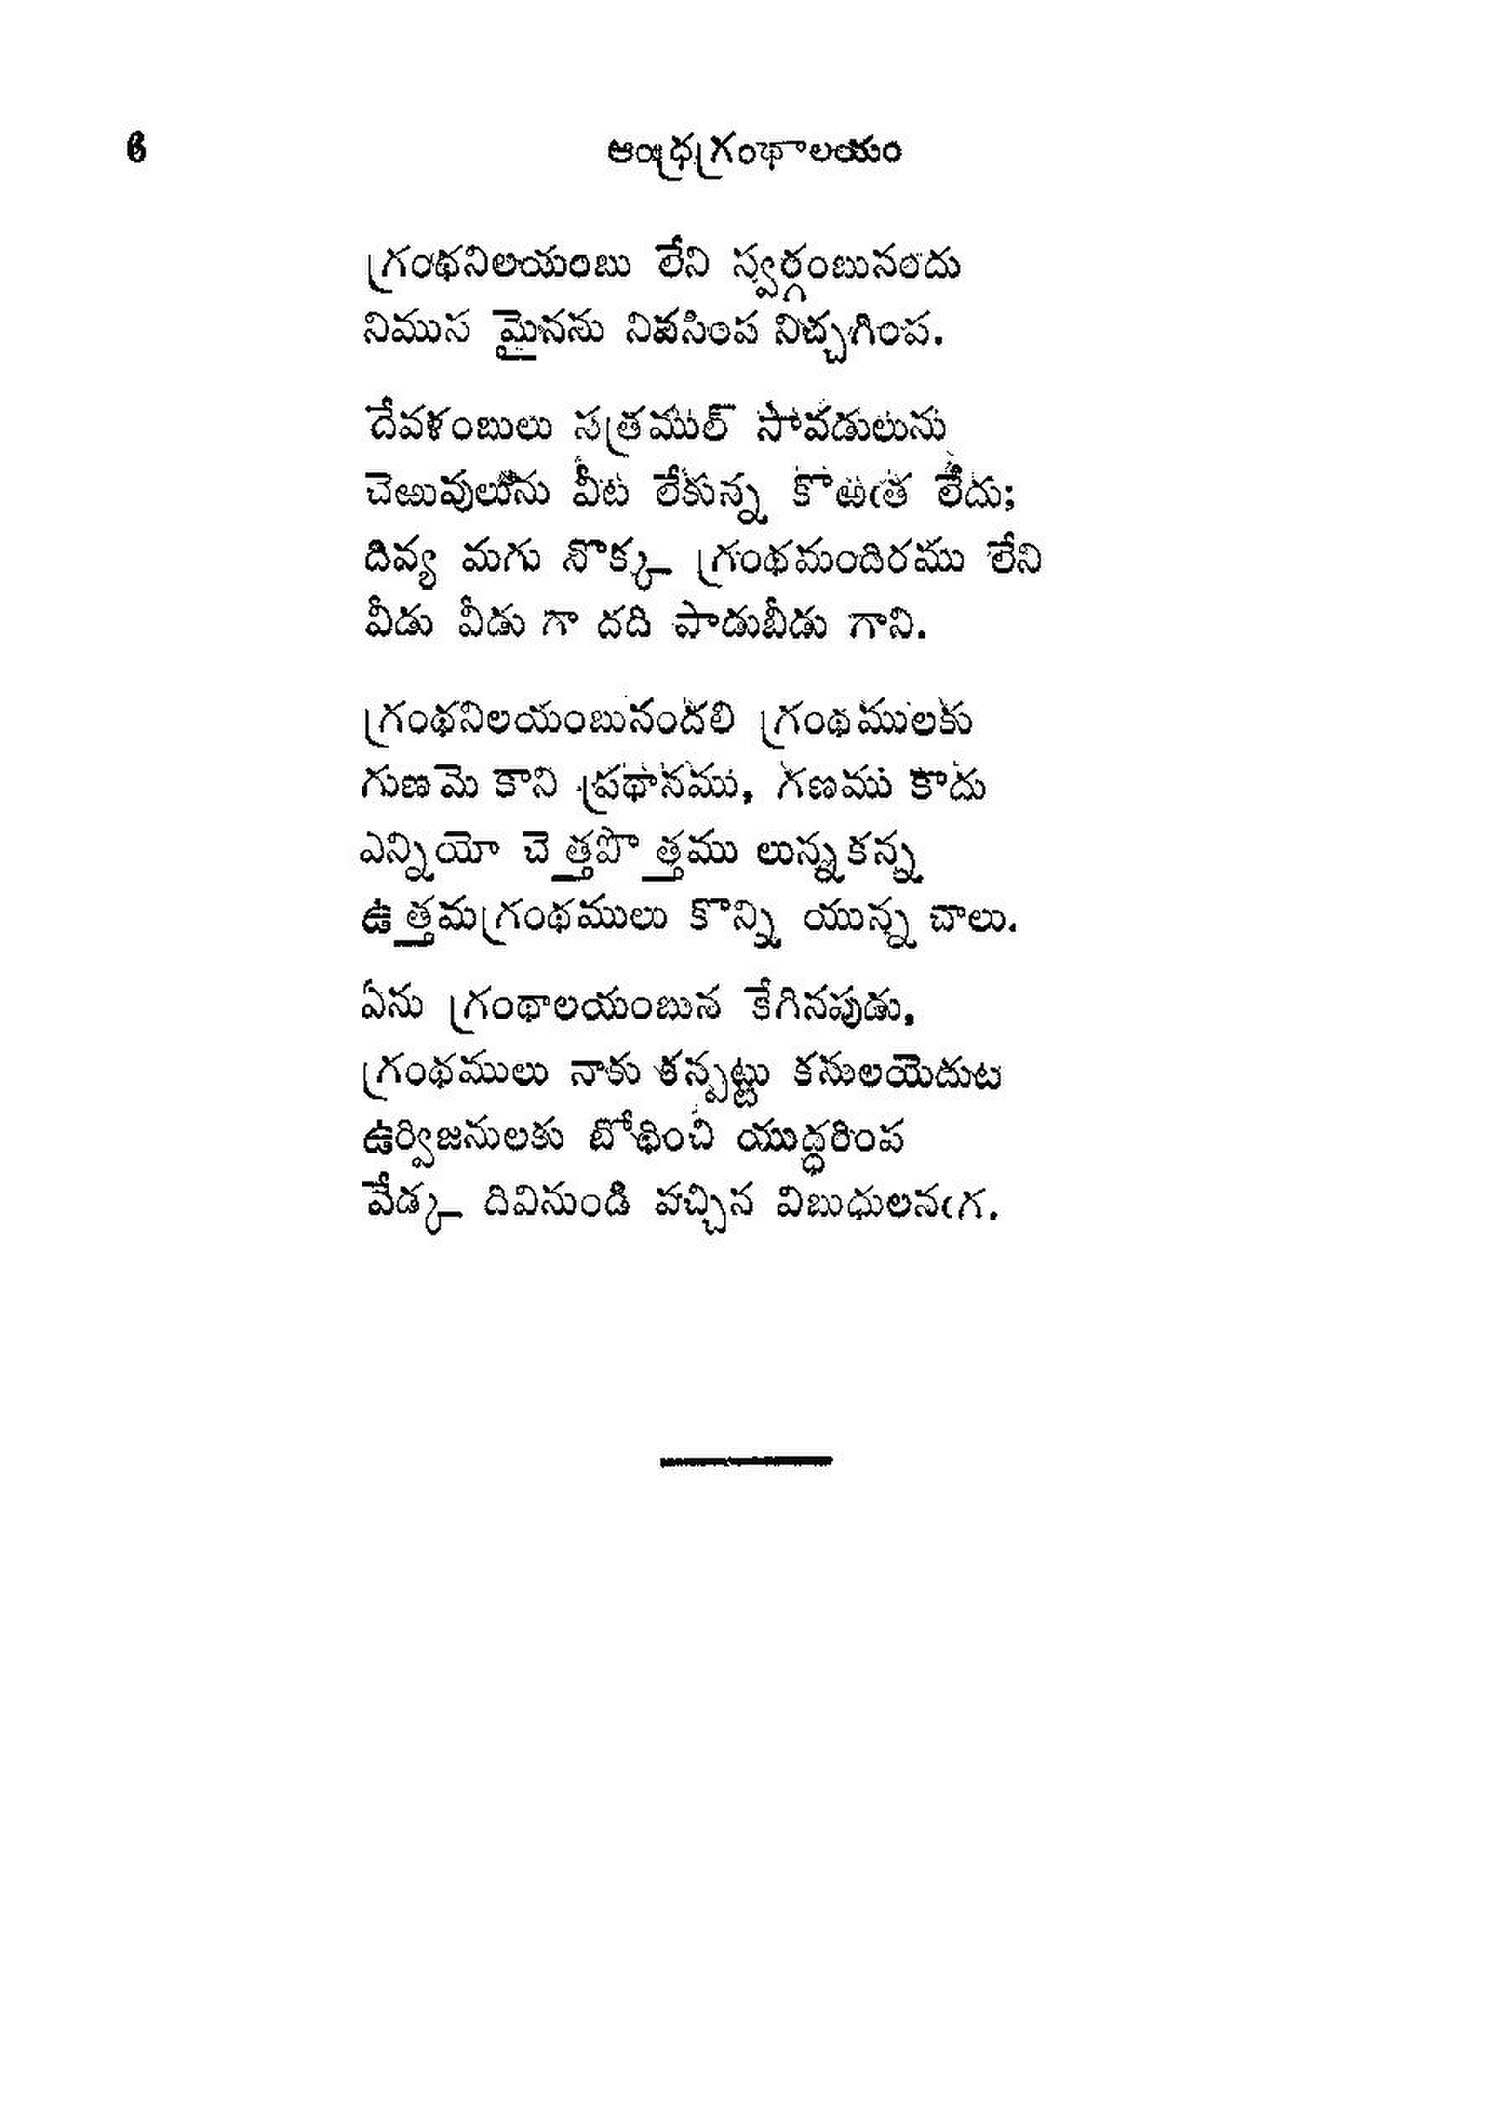గ్రంథనిలయంబు లేని స్వర్గంబునందు
నిముస మైనను నివసింప నిచ్చగింప.

దేవళంబులు సత్రముల్ సోవడులును
చెఱువులును వీట లేకున్న కోఱఁత లేదు;
దివ్య మగు నొక్క గ్రంథమందిరము లేని
వీడు వీడు గా దది పాడుబీడు గాని.

గ్రంథనిలయంబునందలి గ్రంథములకు
గుణమె కాని ప్రధానము, గణము కాదు
ఎన్నియో చెత్తపొత్తము లున్నకన్న
ఉత్తమగ్రంథములు కొన్ని యున్న చాలు.

ఏను గ్రంథాలయంబున కేగినపుడు,
గ్రంథములు నాకు కన్పట్టు కనులయెదుట
ఉర్విజనులకు బోధించి యుద్ధరింప
వేడ్క దివినుండి వచ్చిన విబుధులనఁగ.